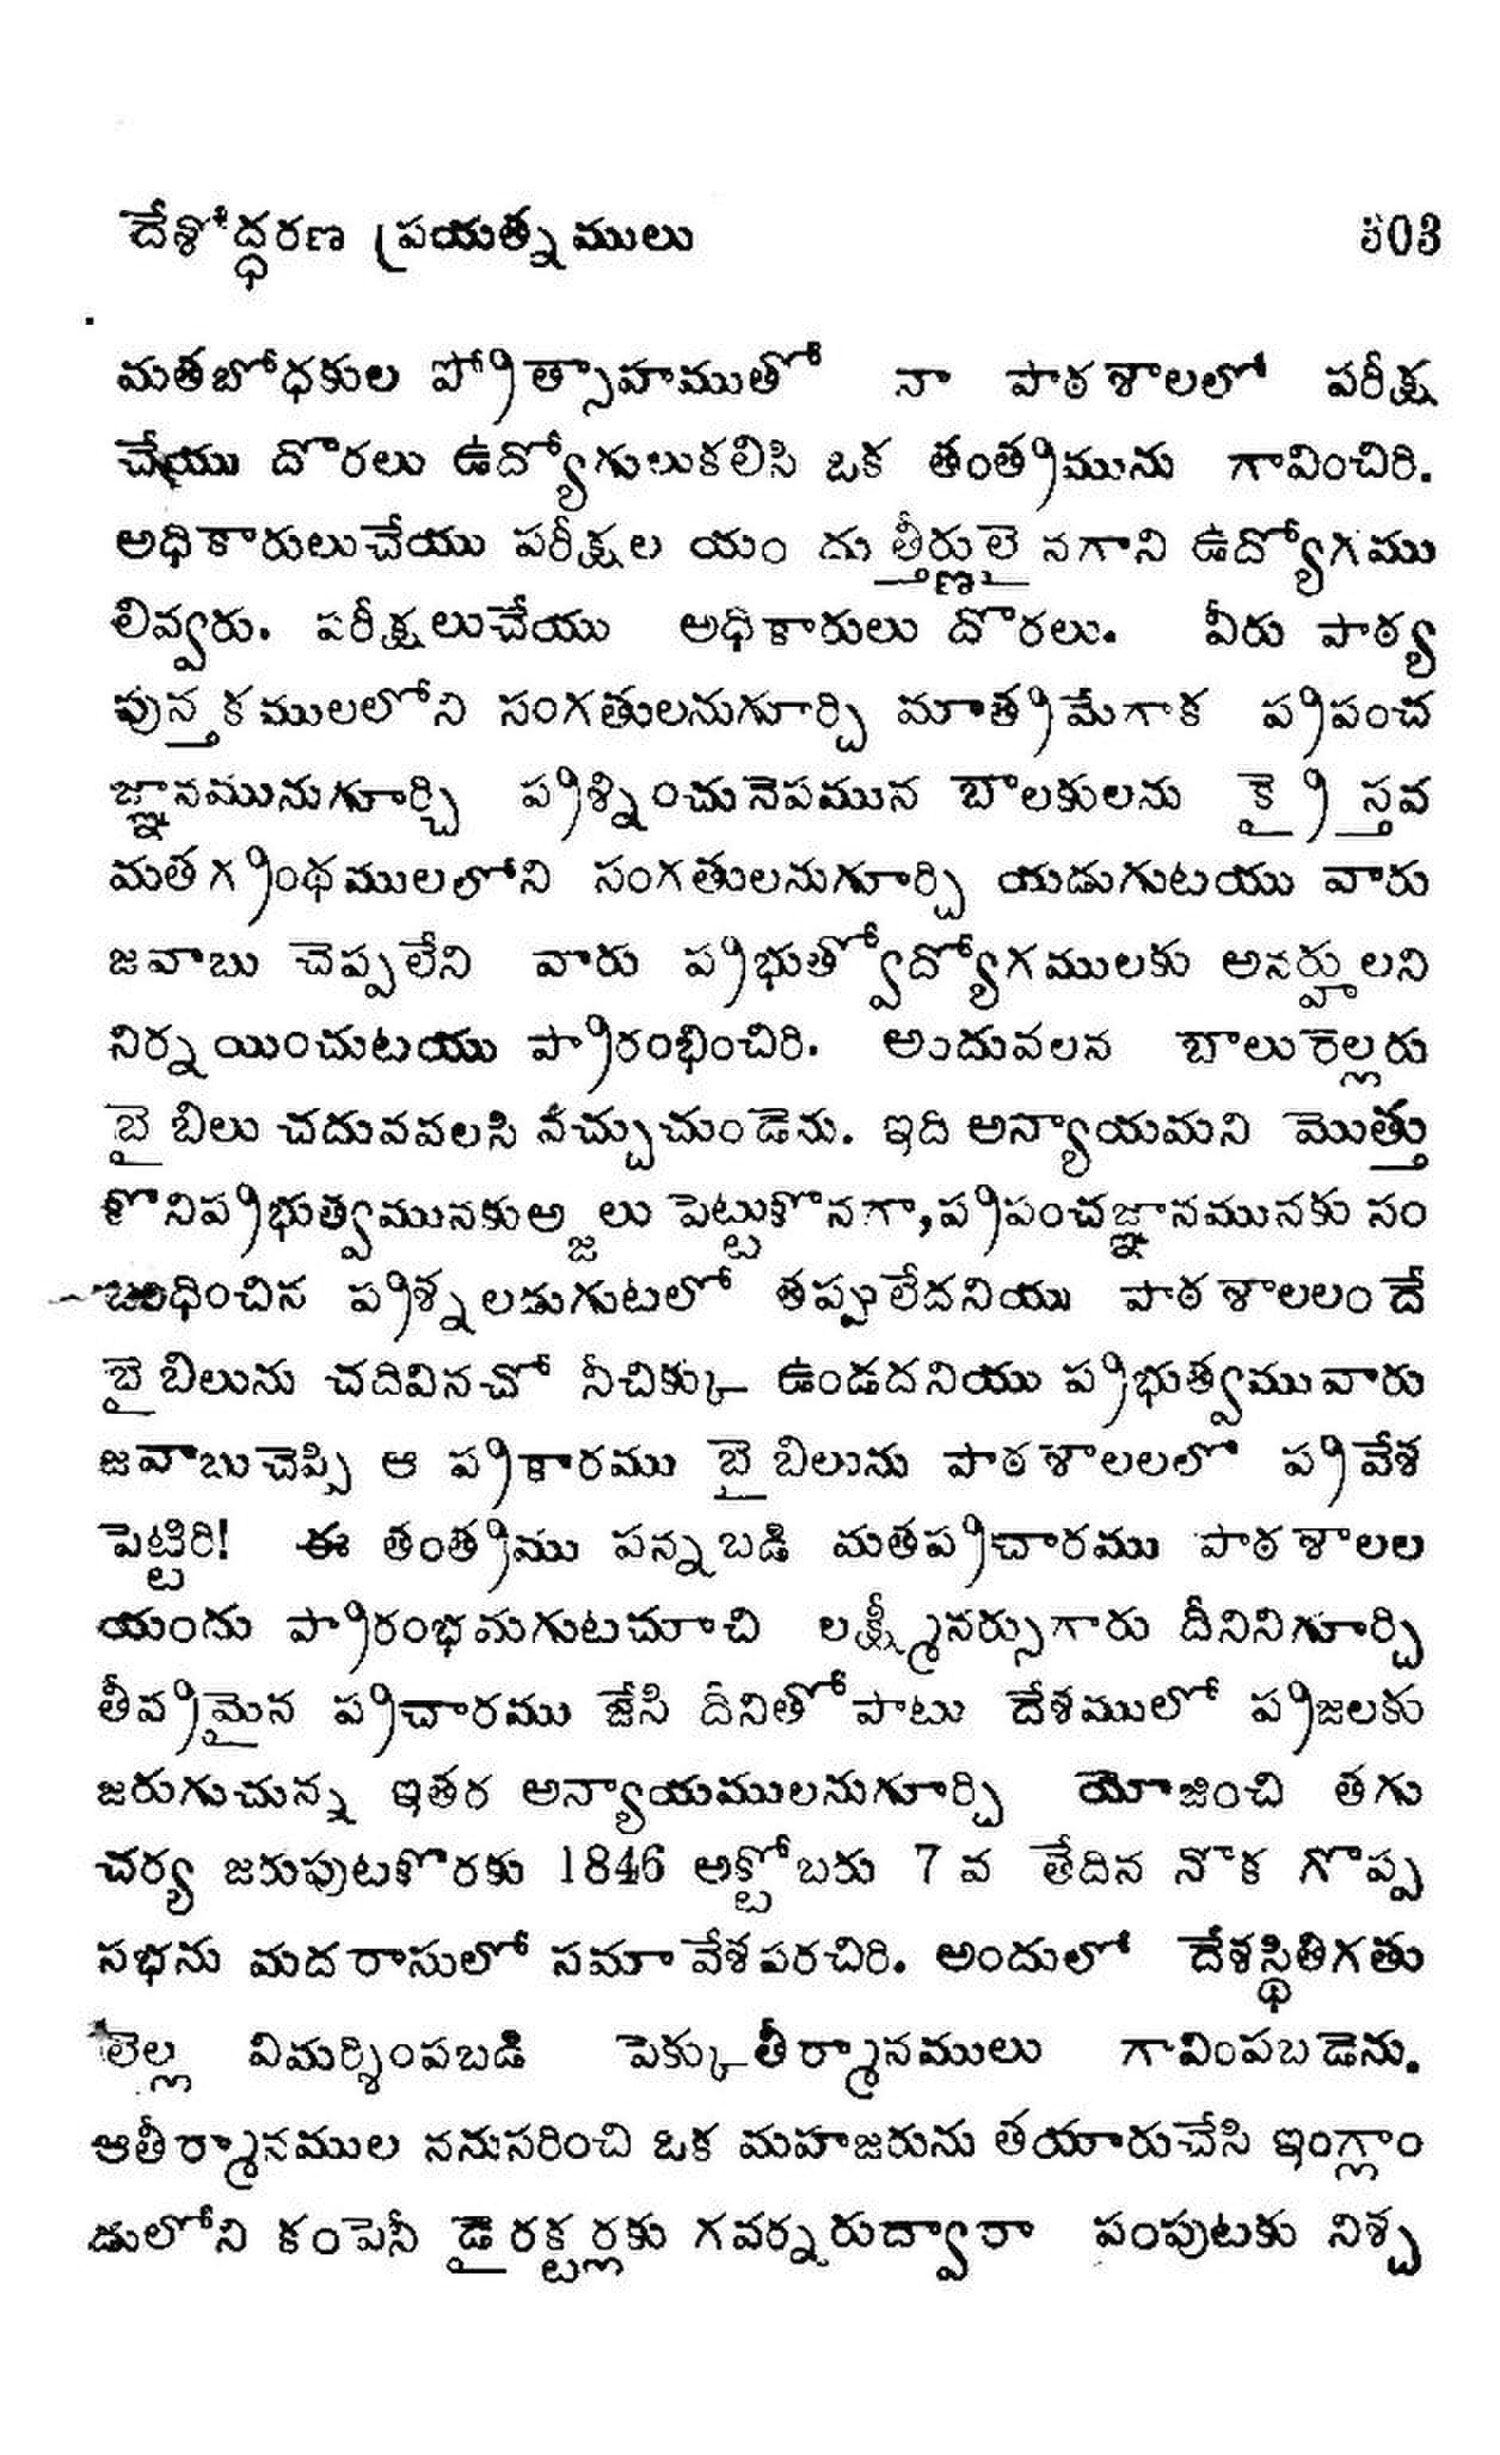మతబోధకుల ప్రోత్సాహముతో నా పాఠశాలలో పరీక్షచేయు దొరలు ఉద్యోగులుకలిసి ఒక తంత్రమును గావించిరి. అధికారులుచేయు పరీక్షల యం దుత్తీర్ణులైనగాని ఉద్యోగము లివ్వరు. పరీక్షలుచేయు అధికారులు దొరలు. వీరు పాఠ్య పుస్తకములలోని సంగతులనుగూర్చి మాత్రమేగాక ప్రపంచజ్ఞానమునుగూర్చి ప్రశ్నించునెపమున బాలకులను క్రైస్తవమత గ్రంథములలోని సంగతులనుగూర్చి యడుగుటయు వారు జవాబు చెప్పలేని వారు ప్రభుత్వోద్యోగములకు అనర్హులని నిర్నయించుటయు ప్రారంభించిరి. అందువలన బాలురెల్లరు బైబిలు చదువవలసి వచ్చుచుండెను. ఇది అన్యాయమని మొత్తుకొనిప్రభుత్వమునకుఅర్జీలు పెట్టుకొనగా, ప్రపంచ జ్ఞానమునకు సంబంధించిన ప్రశ్నలడుగుటలో తప్పులేదనియు పాఠశాలలందే బైబిలును చదివినచో నీచిక్కు ఉండదనియు ప్రభుత్వమువారు జవాబుచెప్పి ఆ ప్రకారము బైబిలును పాఠశాలలలో ప్రవేశపెట్టిరి! ఈ తంత్రము పన్నబడి మతప్రచారము పాఠశాలల యందు ప్రారంభమగుటచూచి లక్ష్మీనర్సుగారు దీనిని గూర్చి తీవ్రమైన ప్రచారము జేసి దీనితోపాటు దేశములో ప్రజలకు జరుగుచున్న ఇతర అన్యాయములనుగూర్చి యోజించి తగుచర్య జరుపుటకొరకు 1846 అక్టోబరు 7 వ తేదిన నొక గొప్ప సభను మదరాసులో సమావేశపరచిరి. అందులో దేశస్థితిగతులెల్ల విమర్శింపబడి పెక్కుతీర్మానములు గావింపబడెను. ఆతీర్మానముల ననుసరించి ఒక మహజరును తయారుచేసి ఇంగ్లాండులోని కంపెనీ డైరక్టర్లకు గవర్నరుద్వారా పంపుటకు నిశ్చ